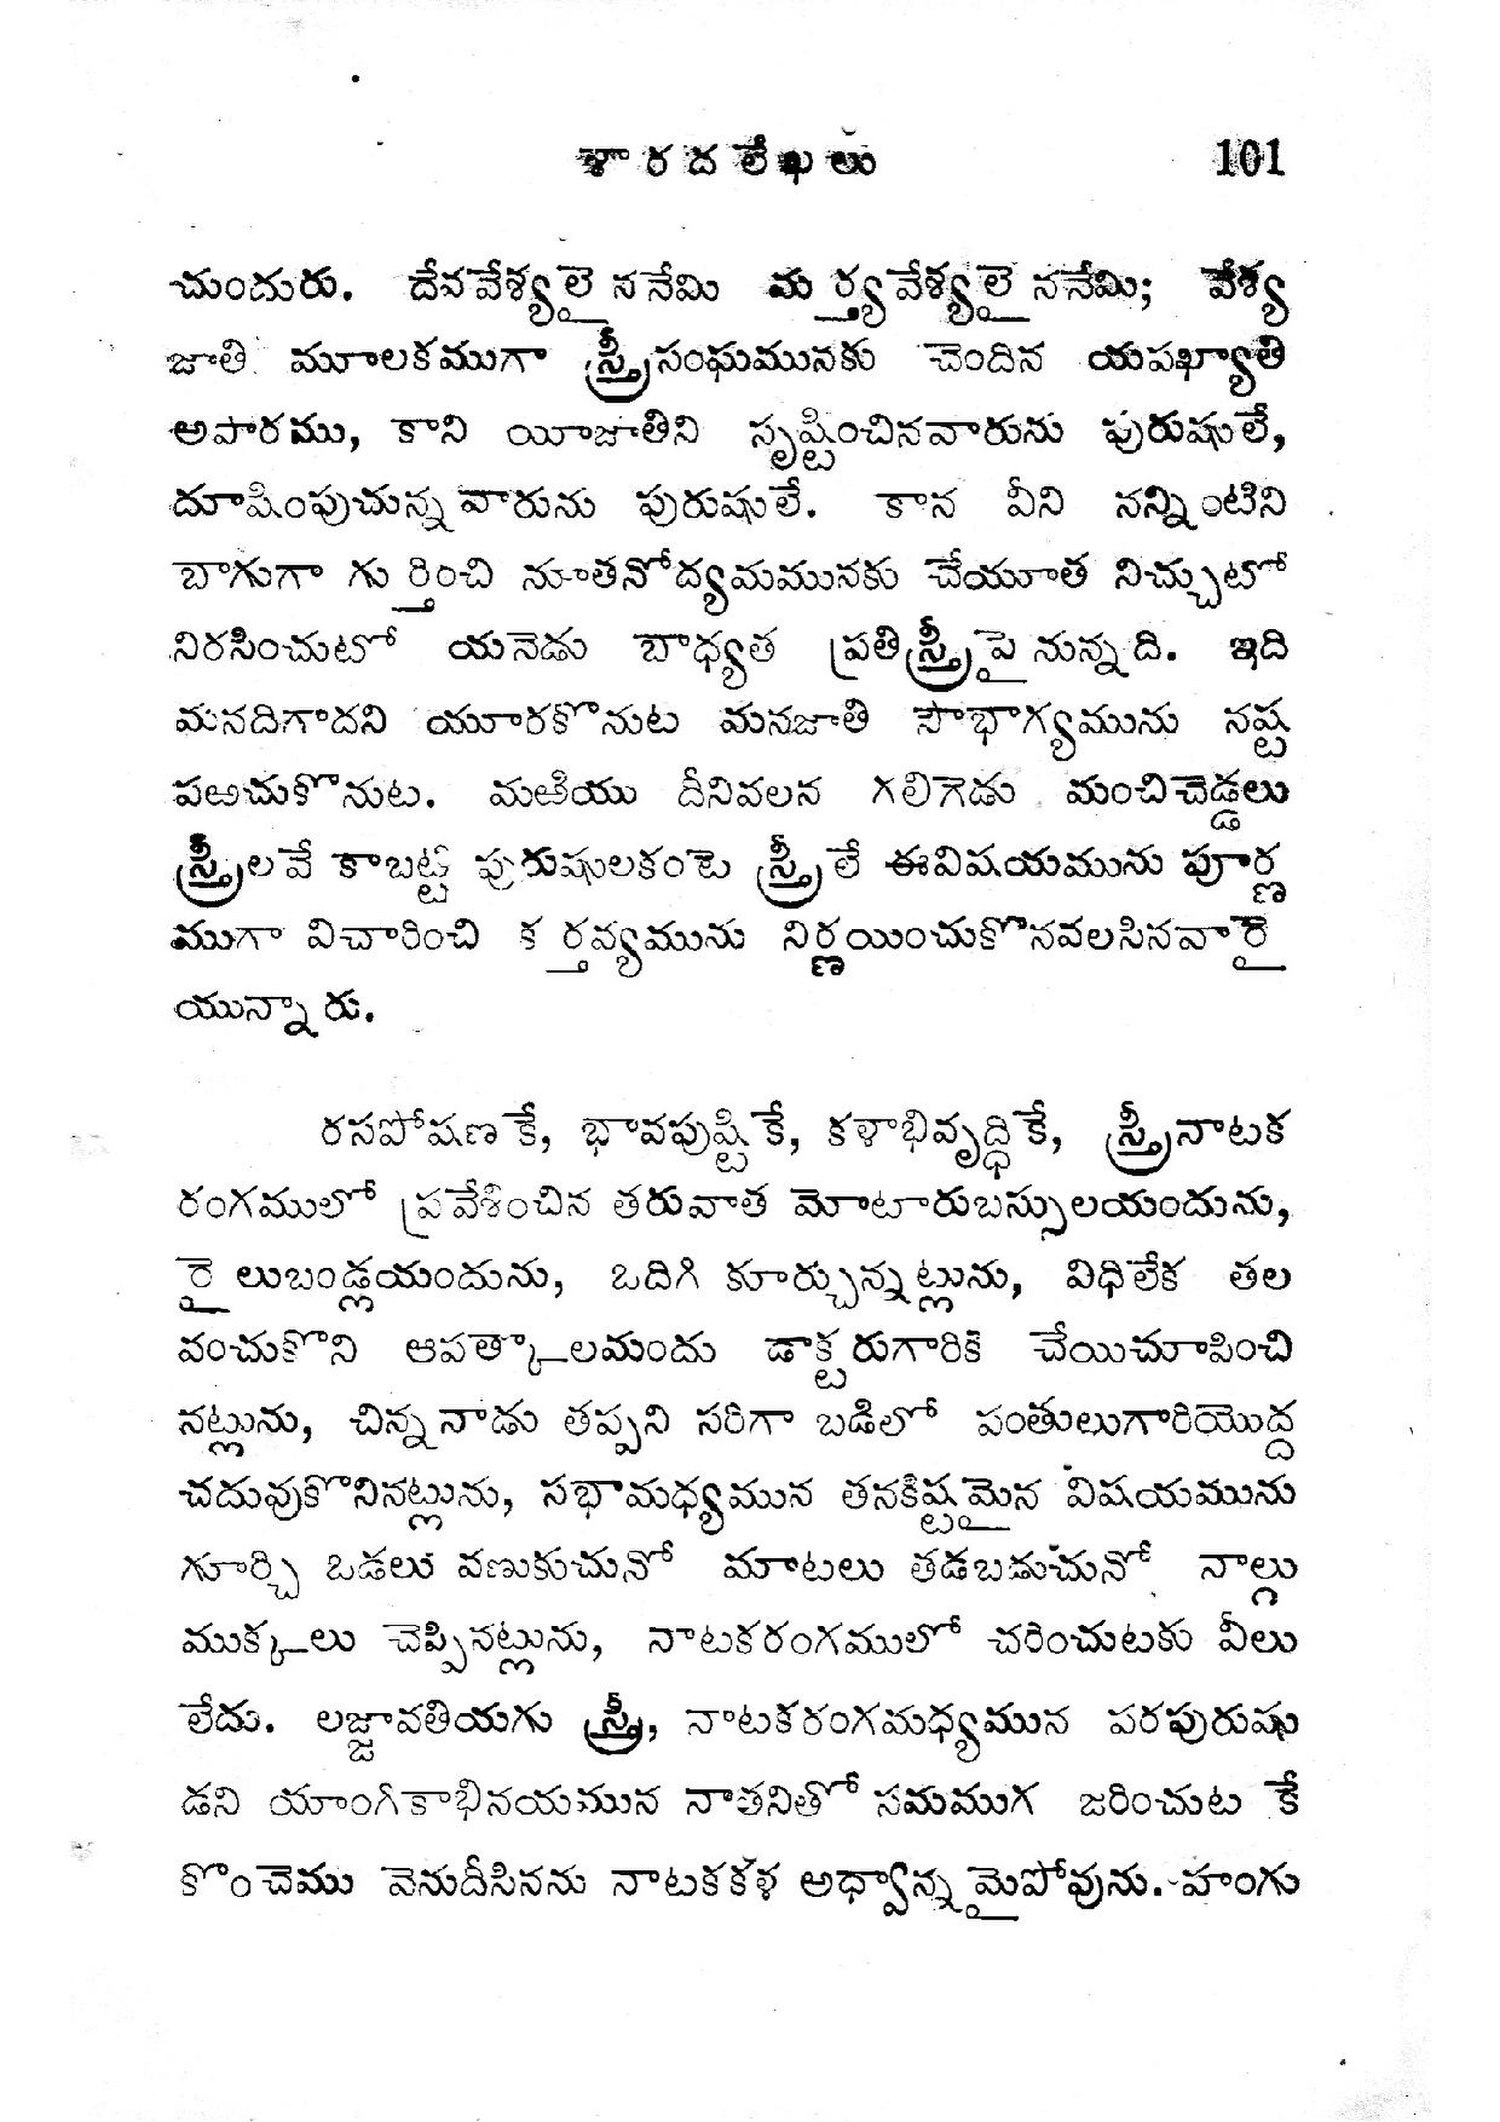చుందురు. దేవవేశ్యలైననేమి మర్త్యవేశ్యలైననేమి; వేశ్యజాతి మూలకముగా స్త్రీసంఘమునకు చెందిన యపఖ్యాతి అపారము, కాని యీజాతిని సృష్టించినవారును పురుషులే, దూషింపుచున్న వారును పురుషులే. కాన వీని నన్నింటిని బాగుగా గుర్తించి నూతనోద్యమమునకు చేయూత నిచ్చుటో నిరసించుటో యనెడు బాధ్యత ప్రతిస్త్రీపైనున్నది. ఇది మనదిగాదని యూరకొనుట మనజాతి సౌభాగ్యమును నష్ట
పఱచుకొనుట. మఱియు దీనివలన గలిగెడు మంచిచెడ్డలు స్త్రీలవే కాబట్టి పురుషులకంటె స్త్రీలే ఈవిషయమును పూర్ణముగా విచారించి కర్తవ్యమును నిర్ణయించుకొనవలసినవారై యున్నారు.

రసపోషణకే, భావపుష్టికే, కళాభివృద్ధికే, స్త్రీనాటకరంగములో ప్రవేశించిన తరువాత మోటారుబస్సుల యందును, రైలుబండ్లయందును, ఒదిగి కూర్చున్నట్లును, విధిలేక తలవంచుకొని ఆపత్కాలమందు డాక్టరుగారికి చేయిచూపించినట్లును, చిన్ననాడు తప్పని సరిగా బడిలో పంతులుగారియొద్ద
చదువుకొనినట్లును, సభామధ్యమున తనకిష్టమైన విషయమును గూర్చి ఒడలు వణుకుచునో మాటలు తడబడుచునో నాల్గు ముక్కలు చెప్పినట్లును, నాటకరంగములో చరించుటకు వీలులేదు. లజ్జావతియగు స్త్రీ, నాటకరంగమధ్యమున పరపురుషుడని యాంగికాభినయమున నాతనితో సమముగ జరించుట కే
కొంచెము వెనుదీసినను నాటకకళ అధ్వాన్నమైపోవును. హంగు